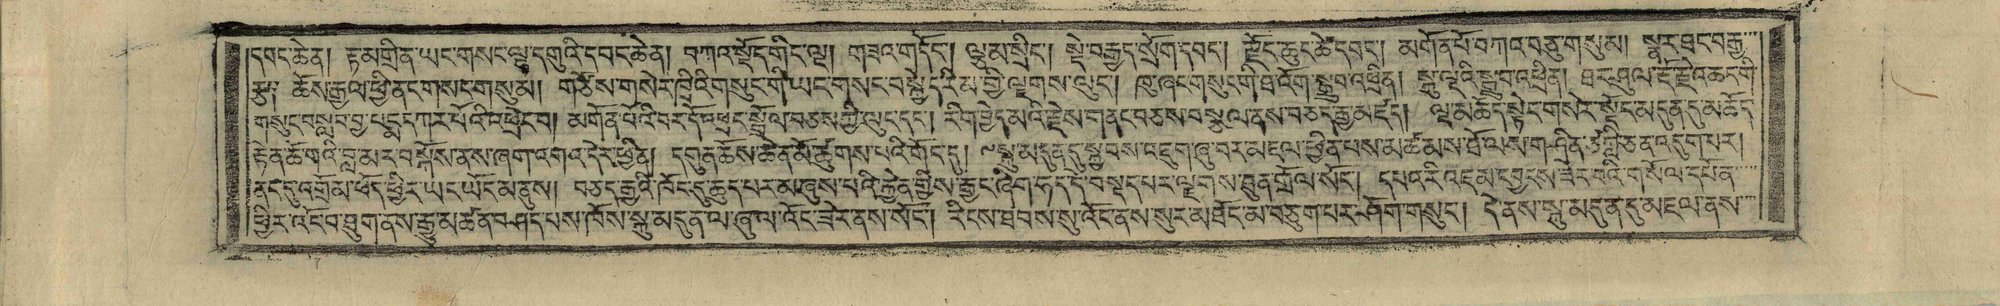དབང་ཆེན། རྟ་མགྲིན་ཡང་གསང་ལྷ་དགུའི་དབང་ཆེན། བཀའ་སྡོད་གིང་ལྔ། གཟའ་གདོང་། ལྕམ་སྲིང་། སྡེ་བརྒྱད་སྲོག་དབང་། རྫོང་ཆུང་ཚེ་དབང་། མགོན་པོ་བཀའ་བཅུ་གསུམ། སྣར་ཐང་བརྒྱ་
རྩ༑ ཆོས་རྒྱལ་ཕྱི་ནང་གསང་གསུམ། གཙོས་གསེར་ཁྲིའི་གསུང་གི་ཡང་གསང་བསྐྱེད་རིམ་གྱི་ལྗགས་ལུང་། ཁུ་ཞང་གསུང་གི་ཐ་འོག་སྒྲུབ་འཕྲིན། སྐུ་ལྔའི་སྒྲུབ་འཕྲིན། ཐར་ཤུལ་རྡོ་རྗེ་འཆང་གི་
གསུང་བསླབ་བྱ་པདམ་དཀར་པོའི་འཕྲེང་བ། མགོན་པོའི་བར་དོ་འཕྲང་སྒྲོལ་བཅས་ཀྱི་ལུང་དང་། རིག་བྱེད་མའི་རྗེས་གནང་བཅས་བསྩལ་ནས་བཅད་རྒྱ་མཛད། ལྔ་མཆོད་སྟེང་གསེར་སྡོང་མདུན་དུ་མཆོད་
རྟེན་ཆོ་གའི་བླ་མར་བསྐོས་ནས་ཞག་འགའ་དེར་ཕྱིན། དགུན་ཆོས་ཆེན་མོ་ཚུགས་པའི་གོང་དུ། ༧སྐུ་མདུན་དུ་སྐྱབས་འཇུག་ཞུ་བར་མཇལ་ཕྱིན་པས་མཚམས་ཐོ་ལས་གཤིན་ཙཀླི་ཅན་འདུག་པར།
ནང་དུ་འགྲོམ་ཕོད་ཕྱིར་ཡང་ཡོང་མ་ནུས། བཅད་རྒྱའི་ཁོང་དུ་ཆུད་པར་མ་ཞུས་པའི་རྐྱེན་གྱིས་རྒྱང་ཞིག་ཧད་དེ་བསྡད་པར་ལྗགས་ཐུན་གྲོལ་སོང་། དཔའ་རི་འཇམ་དབྱངས་ཟེར་བའི་གསོལ་དཔོན་
ཕྱིར་འོང་བ་ཐུག་ནས་རྒྱུ་མཚན་བཤད་པས་ཁོས་སྐུ་མདུན་ལ་ཞུ་ལ་འོང་ཟེར་ནས་སོང་། རི་ངས་ཐབས་སུ་འོང་ནས་སུར་མཐོང་མ་བཅུག་པར་ཤོག་གསུང་། དེ་ནས་སྐུ་མདུན་དུ་མཇལ་ནས་